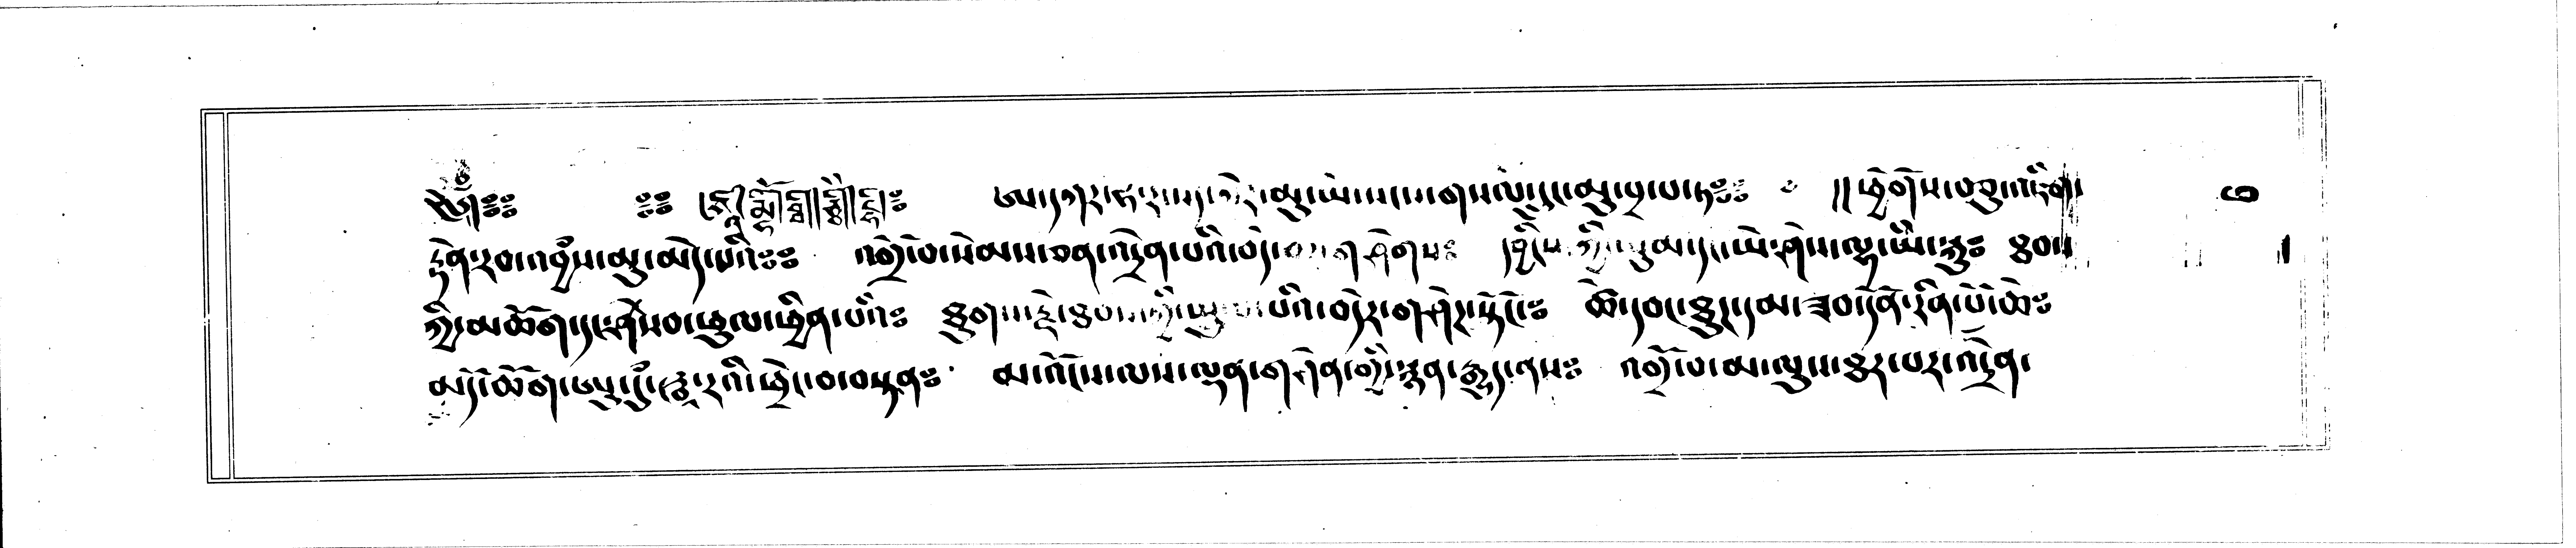༼འདིར་གཏེར་ཡིག་ཡོད༽ཨ་དཀར་ཧ་ར་སད་གྱེར་མུ་ཡེ་སངས་གསལ་དྲུང་མུ་པྲ་པ་ཏ། ཕྱོགས་བཅུ་འཇིག་
རྟེན་རབ་འབྱམས་མུ་མེད་པའིཿ འགྲོ་བ་སེམས་ཅན་འདྲེན་པའི་བདེ་བར་གཤེགསཿ དབྱིངས་ཀྱི་ཡུམ་དང་ཡེ་ཤེས་ལྷ་ཡི་སྐུཿ ཐབས་
ཀྱི་མཆོག་དང་ཤེས་རབ་ཕུལ་ཕྱིན་པའིཿ ཐུགས་རྗེ་ཐབས་ཀྱི་སྤྲུལ་པའི་བདེར་གཤེགས་སྟོངཿ ཚེ་དབང་ཐུགས་དམ་ཟབ་དོན་རིན་པོ་ཆེཿ
 མདོ་ཆོག་ཨུ་དུམ་ཝཱ་རའི་ཕྲེང་བ་བསྟནཿ མ་འོངས་ལས་ལྡན་གཤེན་གྱི་སྙན་བརྒྱུད་ནསཿ འགྲོ་བ་མ་ལུས་ཐར་པར་འདྲེན་